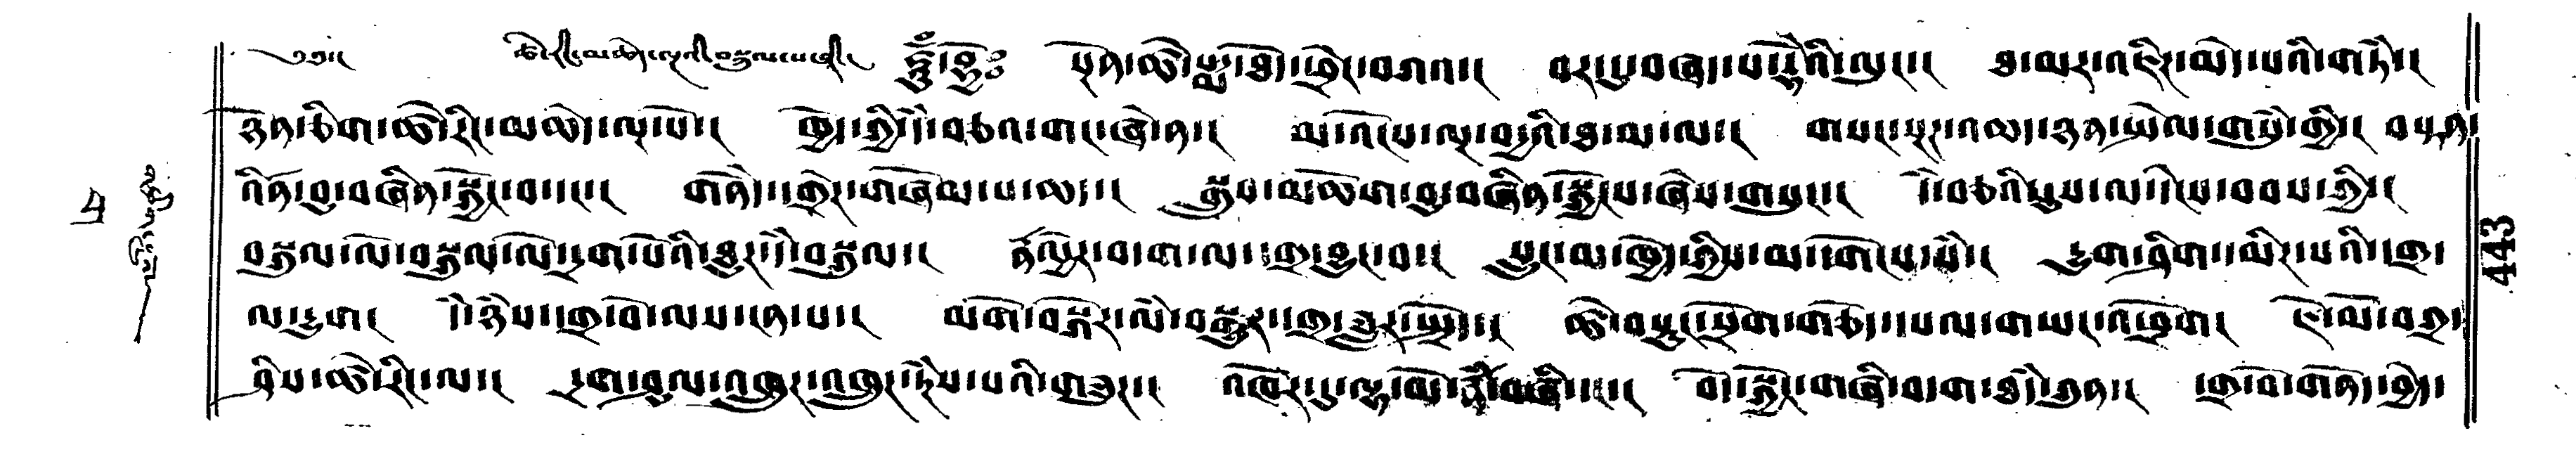༄༅། ཚེ་རིང་མཆེད་ལྔའི་བསྐུལ་པ་ནི། ཧཱུྃ་བྷྱོཿ སྔོན་ཚེ་པདྨ་ཐོད་ཕྲེང་བཀའ། །བར་དུ་བཞད་པ་རྡོ་རྗེའི་ལུང་། །ཐ་མར་འཇིགས་པ་མེད་པའི་གཏམ། །
ཉོན་ཅིག་ཚེ་རིང་མཆེད་ལྔ་པོ། །ཁྱོད་ཀྱི་དམ་བཅའ་གང་ཞེ་ན། །མ་འོངས་ལྔ་བརྒྱའི་ཐ་མ་ལ། །གསང་སྔགས་འཆད་ཉན་སྤེལ་གསུམ་གྱི། །བསྟན་
འཛིན་བུ་བཞིན་སྐྱོང་བ་དང་། །གནོད་བྱེད་དགྲ་བགེགས་གཞོམ་པར་ཆད། །སྒྲུབ་མཆོག་བུ་བཞིན་སྐྱོང་ཞེས་གསུང་། །དམ་བཅའི་དུས་ལ་དེང་བབས་ཀྱི། །
བསྐུལ་ལོ་དྲག་པོའི་ཐུགས་དམ་བསྐུལ། །རྣལ་འབྱོར་བདག་ལ་དགྲ་བྱུང་བ། །སྲུང་མ་ཁྱེད་ཀྱིས་མ་དགོངས་སམ། །རྒྱུགས་ཤིག་དམིགས་པའི་དགྲ་
ལ་རྒྱུགས། །དམ་ཉམས་དགྲ་བོ་ལས་ངན་པ། །མགོ་བསྐོར་ལམ་བསྒྱུར་དགྲ་ཟླར་སྤྲོད། །ཚེ་བསྟུང་སྲོག་གཅོད་དཔལ་གཡང་ཕྲོགས། །ཇོ་མོ་བཀྲ་
ཤིས་ཚེ་རིང་ལ། །དྲག་ཤུལ་འཁྲུགས་འཁྲུགས་རྔམས་པའི་གཟུགས། །འཁོར་དུ་ལྷ་མོ་རྣམ་བཞི་དང་། །བོད་སྐྱོང་གཞི་བདག་ཐམས་ཅད་ཀུན། །དགྲ་བོ་གནོད་བྱེད་